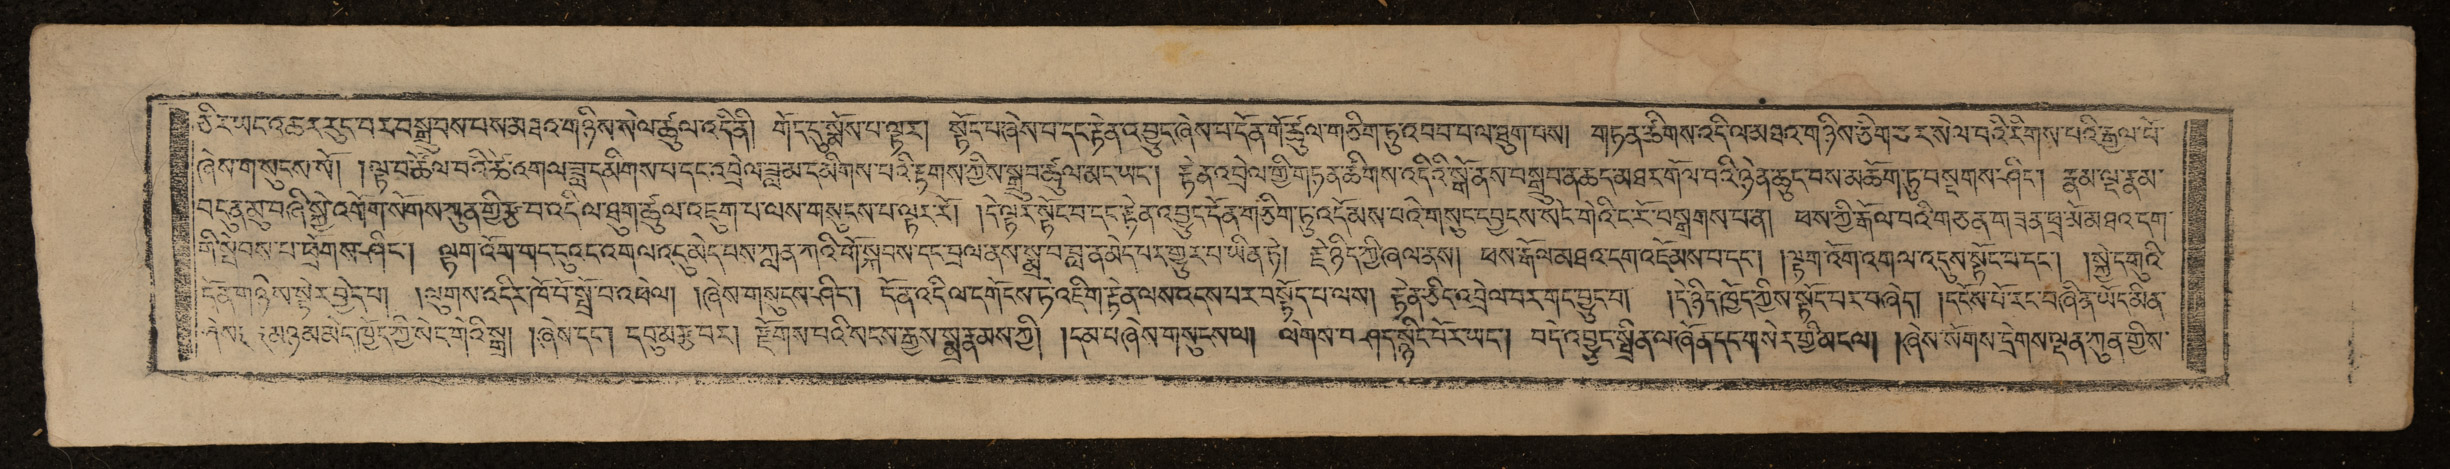ཅིར་ཡང་འཆར་རུང་བར་བསྒྲུབས་པས་མཐའ་གཉིས་སེལ་ཚུལ་འདི་ནི། གོང་དུ་སྨོས་བ་ལྟར། སྟོང་པ་ཞེས་པ་དང་རྟེན་འབྱུང་ཞེས་བ་དོན་གོ་ཚུལ་གཅིག་ཏུ་འབའ་བ་ལ་ཐུགས་པས། གཏན་ཚིགས་པ་དི་ལ་མཐེའ་གཉིས་ཅིག་ཅར་སེལ་བའི་རིགས་པའི་རྒྱལ་པོ་
ཞེས་གསུངས་སོ། །ལྟ་བ་ཚོལ་བའི་ཆོ་འགལ་ཟླ་དམིགས་པ་དང་འབྲེལ་ཟླ་མ་དམིགས་པའི་རྟགས་ཀྱིས་སྒྲུབ་ཚུལ་མང་ཡང་། རྟེན་འབྲེལ་གྱི་གཏན་ཚིགས་འདིའི་སྒོ་ནས་བསྒྲུབ་ན་ཆད་མཐར་གོལ་བའི་ཉེན་ཆུང་བས་མཆོག་ཏུ་བསྔགས་ཤིང་། རྣམ་ལྔ་རྣམ་
བདུན་མུ་བཞི་སྐྱ་འགོག་སོགས་ཀུན་གྱི་རྩ་བ་འདི་ལ་ཐུག་ཚུལ་འཇུག་པ་ལས་གསུངས་པ་ལྟར་རོ། །དེ་ལྟར་སྟོང་པ་དང་རྟེན་འབྱུང་དོན་གཅིག་ཏུ་འདོམས་བའི་གསུང་དབྱངས་སེང་གེའི་ང་རོ་བསྒྲགས་པ་ན། ཕས་ཀྱི་རྒོལ་བའི་གཅན་གཟན་ཕྲ་མོ་མཐའ་དག་
གི་སྤོབས་པ་ཕྲོགས་ཤིང་། ལྟག་འོག་གང་དུའང་འགལ་འདུ་མེད་པས་ཀླན་ཀའི་གོ་སྐབས་དང་བྲལ་ནས་སྨྲ་བ་བླ་ན་མེད་པར་གྱུར་བ་ཡིན་ཏེ། རྗེ་ཉིད་ཀྱི་ཞལ་ནས། ཕས་རྒོལ་མཐའ་དག་འཇོམས་པ་དང་། །ལྟག་འོག་འགལ་འདུས་སྟོང་བ་དང་། །སྐྱེ་དགུའི་
དོན་གཉིས་སྟེར་བྱེད་པ། །ལུགས་འདིར་ཁོ་བོ་སྤྲོ་བ་འཕེལ། །ཞེས་གསུངས་ཤིང་། དོན་འདི་ལ་དགོངས་ཏེ་འཇིག་རྟེན་ལས་འདས་པར་བསྟོད་པ་ལས། རྟེན་ཅིང་འབྲེལ་བར་གང་བྱུང་བ། །དེ་ཉིད་ཁྱོད་ཀྱིས་སྟོང་པར་བཞེད། །དངོས་པོ་རང་བཞིན་ཡོད་མིན་
ཞེས༑ ༑མཉམ་མེད་ཁྱོད་ཀྱི་སེང་གེའི་སྒྲ། །ཞེས་དང་། དབུ་མ་རྩ་བར། རྫོགས་པའི་སངས་རྒྱས་སྨྲ་རྣམས་ཀྱི། །དམ་པ་ཞེས་གསུངས་ལ། ལེགས་བཤད་སྙིང་པོར་ཡང་། བདེ་འབྱུང་སྦྲིན་ལ་ཞོན་དང་གསེར་གྱི་མངལ། །ཞེས་སོགས་དྲེགས་ལྡན་ཀུན་གྱིས་